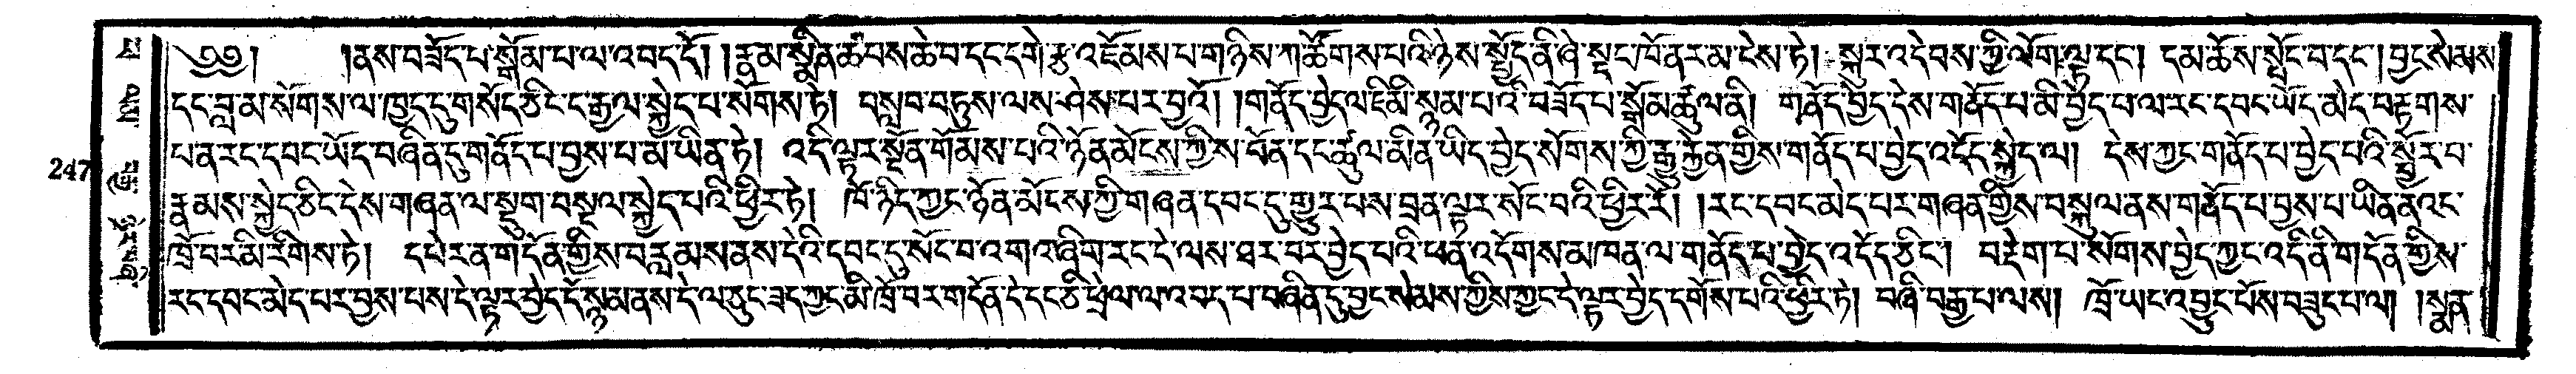༄༅། །ནས་བཟོད་པ་སྒོམ་པ་ལ་འབད་དོ། །རྣམ་སྨིན་ཚབས་ཆེ་བ་དང་དགེ་རྩ་འཇོམས་པ་གཉིས་ཀ་ཚོགས་པའི་ཉེས་སྤྱོད་ནི་ཞེ་སྡང་ཁོ་ནར་མ་ངེས་ཏེ། སྐུར་འདེབས་ཀྱི་ལོག་ལྟ་དང་། དམ་ཆོས་སྤོང་བ་དང་། བྱང་སེམས་
དང་བླ་མ་སོགས་ལ་ཁྱད་དུ་གསོད་ཅིང་ང་རྒྱལ་སྐྱེད་པ་སོགས་ཏེ། བསླབ་བཏུས་ལས་ཤེས་པར་བྱའོ། །གནོད་བྱེད་ལ་ཇི་མི་སྙམ་པའི་བཟོད་པ་སྒོམ་ཚུལ་ནི། གནོད་བྱེད་དེས་གནོད་པ་མི་བྱེད་པ་ལ་རང་དབང་ཡོད་མེད་བརྟགས་
པ་ན་རང་དབང་ཡོད་བཞིན་དུ་གནོད་པ་བྱས་པ་མ་ཡིན་ཏེ། འདི་ལྟར་སྔོན་གོམས་པའི་ཉོན་མོངས་ཀྱིས་བོན་དང་ཚུལ་མིན་ཡིད་བྱེད་སོགས་ཀྱི་རྒྱུ་རྐྱེན་གྱིས་གནོད་པ་བྱེད་འདོད་སྐྱེད་ལ། དེས་ཀྱང་གནོད་པ་བྱེད་པའི་སྦྱོར་བ་
རྣམས་སྐྱེད་ཅིང་དེས་གཞན་ལ་སྡུག་བསྔལ་སྐྱེད་པའི་ཕྱིར་ཏེ། ཁོ་ཉིད་ཀྱང་ཉོན་མོངས་ཀྱི་གཞན་དབང་དུ་གྱུར་པས་བྲན་ལྟར་སོང་བའི་ཕྱིར་རོ། །རང་དབང་མེད་པར་གཞན་གྱིས་བསྐུལ་ནས་གནོད་པ་བྱས་པ་ཡིན་ནའང་
ཁྲོ་བར་མི་རིགས་ཏེ། དཔེར་ན་གདོན་གྱིས་བརླམས་ནས་དེའི་དབང་དུ་སོང་བ་འགའ་ཞིག་རང་དེ་ལས་ཐར་བར་བྱེད་པའི་ཕན་འདོགས་མཁན་ལ་གནོད་པ་བྱེད་འདོད་ཅིང་། བརྡེག་པ་སོགས་བྱེད་ཀྱང་འདི་ནི་གདོན་གྱིས་
རང་དབང་མེད་པར་བྱས་པས་དེ་ལྟར་བྱེད་དོ་སྙམ་ནས་དེ་ལ་ཅུང་ཟད་ཀྱང་མི་ཁྲོ་བར་གདོན་དེ་དང་ཅི་ཕྲེལ་ལ་འབད་པ་བཞིན་དུ་བྱང་སེམས་ཀྱིས་ཀྱང་དེ་ལྟར་བྱེད་དགོས་པའི་ཕྱིར་ཏེ། བཞི་བརྒྱ་པ་ལས། ཁྲོ་ཡང་འབྱུང་པོས་བཟུང་པ་ལ། །སྨན་